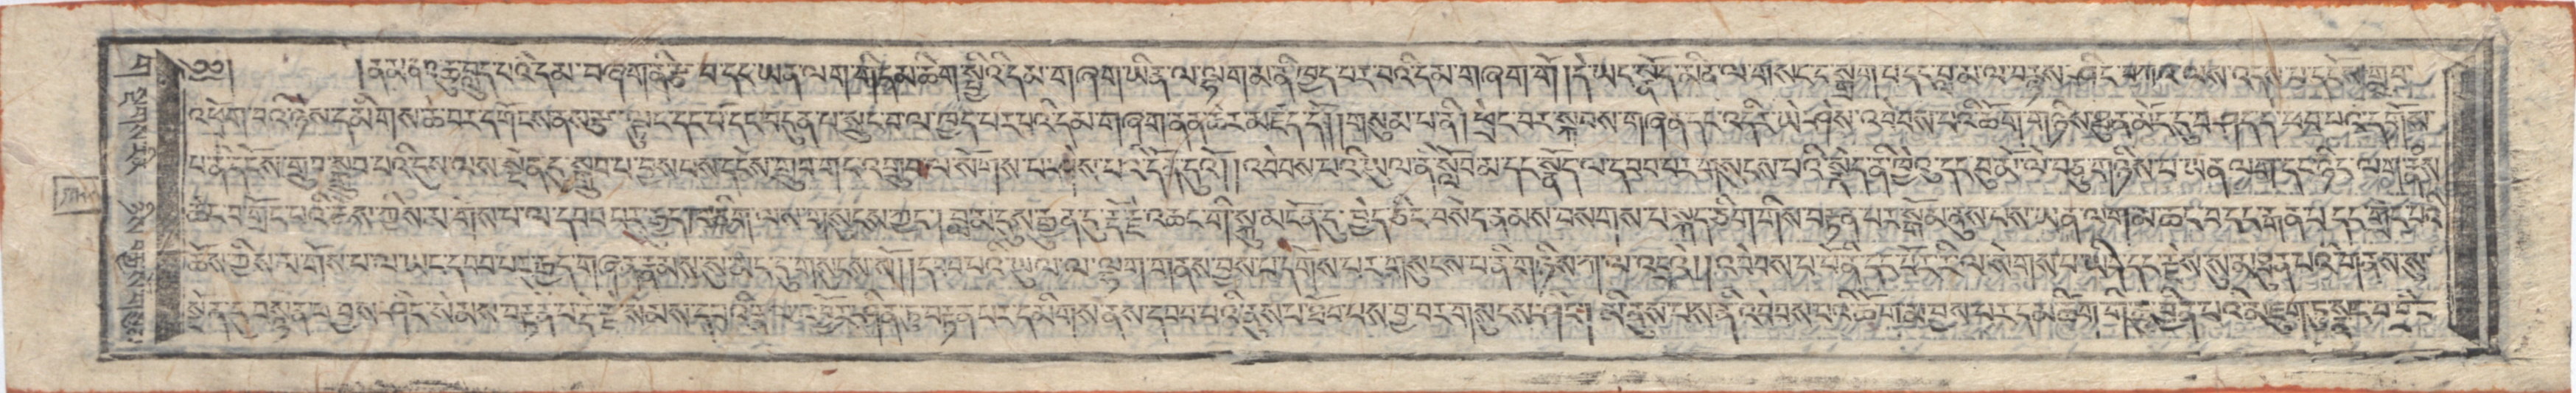༄༅། །ན་མནའ་ཆུ་བླུད་པའི་དམ་བཞག་ནི་རྩ་བ་དང་ཡན་ལག་གི་དམ་ཚིག་སྤྱིའི་དམ་གཞག་ཡིན་ལ་ལྷག་མ་ནི་ཁྱད་པར་བའི་དམ་གཞག་གོ །དེ་ཡང་སྣོད་མིན་ལ་གསང་བ་སྒྲག་པ་དང་བླ་མ་ལ་བརྙས་ཤིང་བཀའ་ལས་འདས་པ་དངོས་གྲུབ་
འཕྲོག་བའི་ཉེས་དམིགས་ཆེ་བར་དགོངས་ནས་རྩ་ལྟུང་དང་པོ་དང་བདུན་པ་སྲུང་བ་ལ་ཁྱད་པར་པའི་དམ་གཞག་ནན་ཆེར་མཛད་དོ། །གསུམ་པ་ནི། ཕྲེང་བར་སྐབས་གཞན་དང་འདིར་ཡེ་ཤེས་འབེབས་པའི་ཆོ་ག་གཉིས་ཐུན་མོང་དུ་བཤད་དེ་ཕབ་པའི་དགོས་
པ་ནི་དངོས་གྲུབ་སྒྲུབ་པའི་དུས་ལས་སྔོན་དུ་སྒྲུབ་པ་བྱས་པས་དངོས་གྲུབ་གང་འགྲུབ་ལ་སོགས་པ་ཤེས་པའི་དོན་དུའོ། །འབེབས་པའི་ཡུལ་ནི་སློབ་མ་དང་སྣོད་ལ་དབབ་པར་གསུངས་པའི་སྣོད་ནི་ཁྱེའུ་དང་བུ་མོ་ལོ་བཅུ་གཉིས་པ་ཡན་ལག་དང་ཉིད་ལག་རྣམས་
ཚང་བ་གྲོང་པའི་ཆོས་ཀྱིས་མ་གོས་པ་ལ་དབབ་པར་རྒྱུད་ཁ་ཅིག་ལས་གསུངས་ཀྱང་། བླ་མ་དུས་རྒྱུན་དུ་རྡོ་རྗེ་འཆང་གི་སྐུ་མངོན་དུ་བྱེད་ཅིང་བསོད་ནམས་བསགས་པ་སྐད་ཅིག་གིས་བརྟན་པར་སྒོམ་ནུས་པས་ཡན་ལག་མ་ཆང་བ་དང་རྒན་པ་དང་གྲོང་པའི་
ཆོས་ཀྱིས་མ་གོས་པ་ལ་ཡང་དབབ་པར་རྒྱུད་གཞན་རྣམས་སུ་མང་དུ་གསུངས་སོ། །དབབ་པའི་ཡུལ་ལ་ལྷག་གནས་བྱས་པ་དགོས་པར་གསུངས་པ་ནི་གཉིས་ཀ་ལ་འདྲའོ། །འབེབས་པ་པོ་ནི་དང་པོར་རི་ལ་སོགས་པ་ཡིད་དང་རྗེས་སུ་མཐུན་པའི་གནས་སུ་
སྔོན་དུ་བསྙེན་པ་བྱས་ཤིང་སེམས་བརྟན་པ་རྡོ་རྗེ་སེམས་དཔའི་རྣལ་འབྱོར་ཤིན་ཏུ་བརྟན་པར་དམིགས་ནས་དབབ་པའི་ནུས་པ་ཐོབ་པས་བྱ་བར་གསུངས་ཤིང་། མི་ནུས་པས་ནི་འབེབས་པའི་ཆོ་ག་མ་བྱས་པར་དམ་ཚིག་གི་ཆུ་བྱིན་པའི་མཇུག་ཏུ་སྣང་བ་བྲིང་